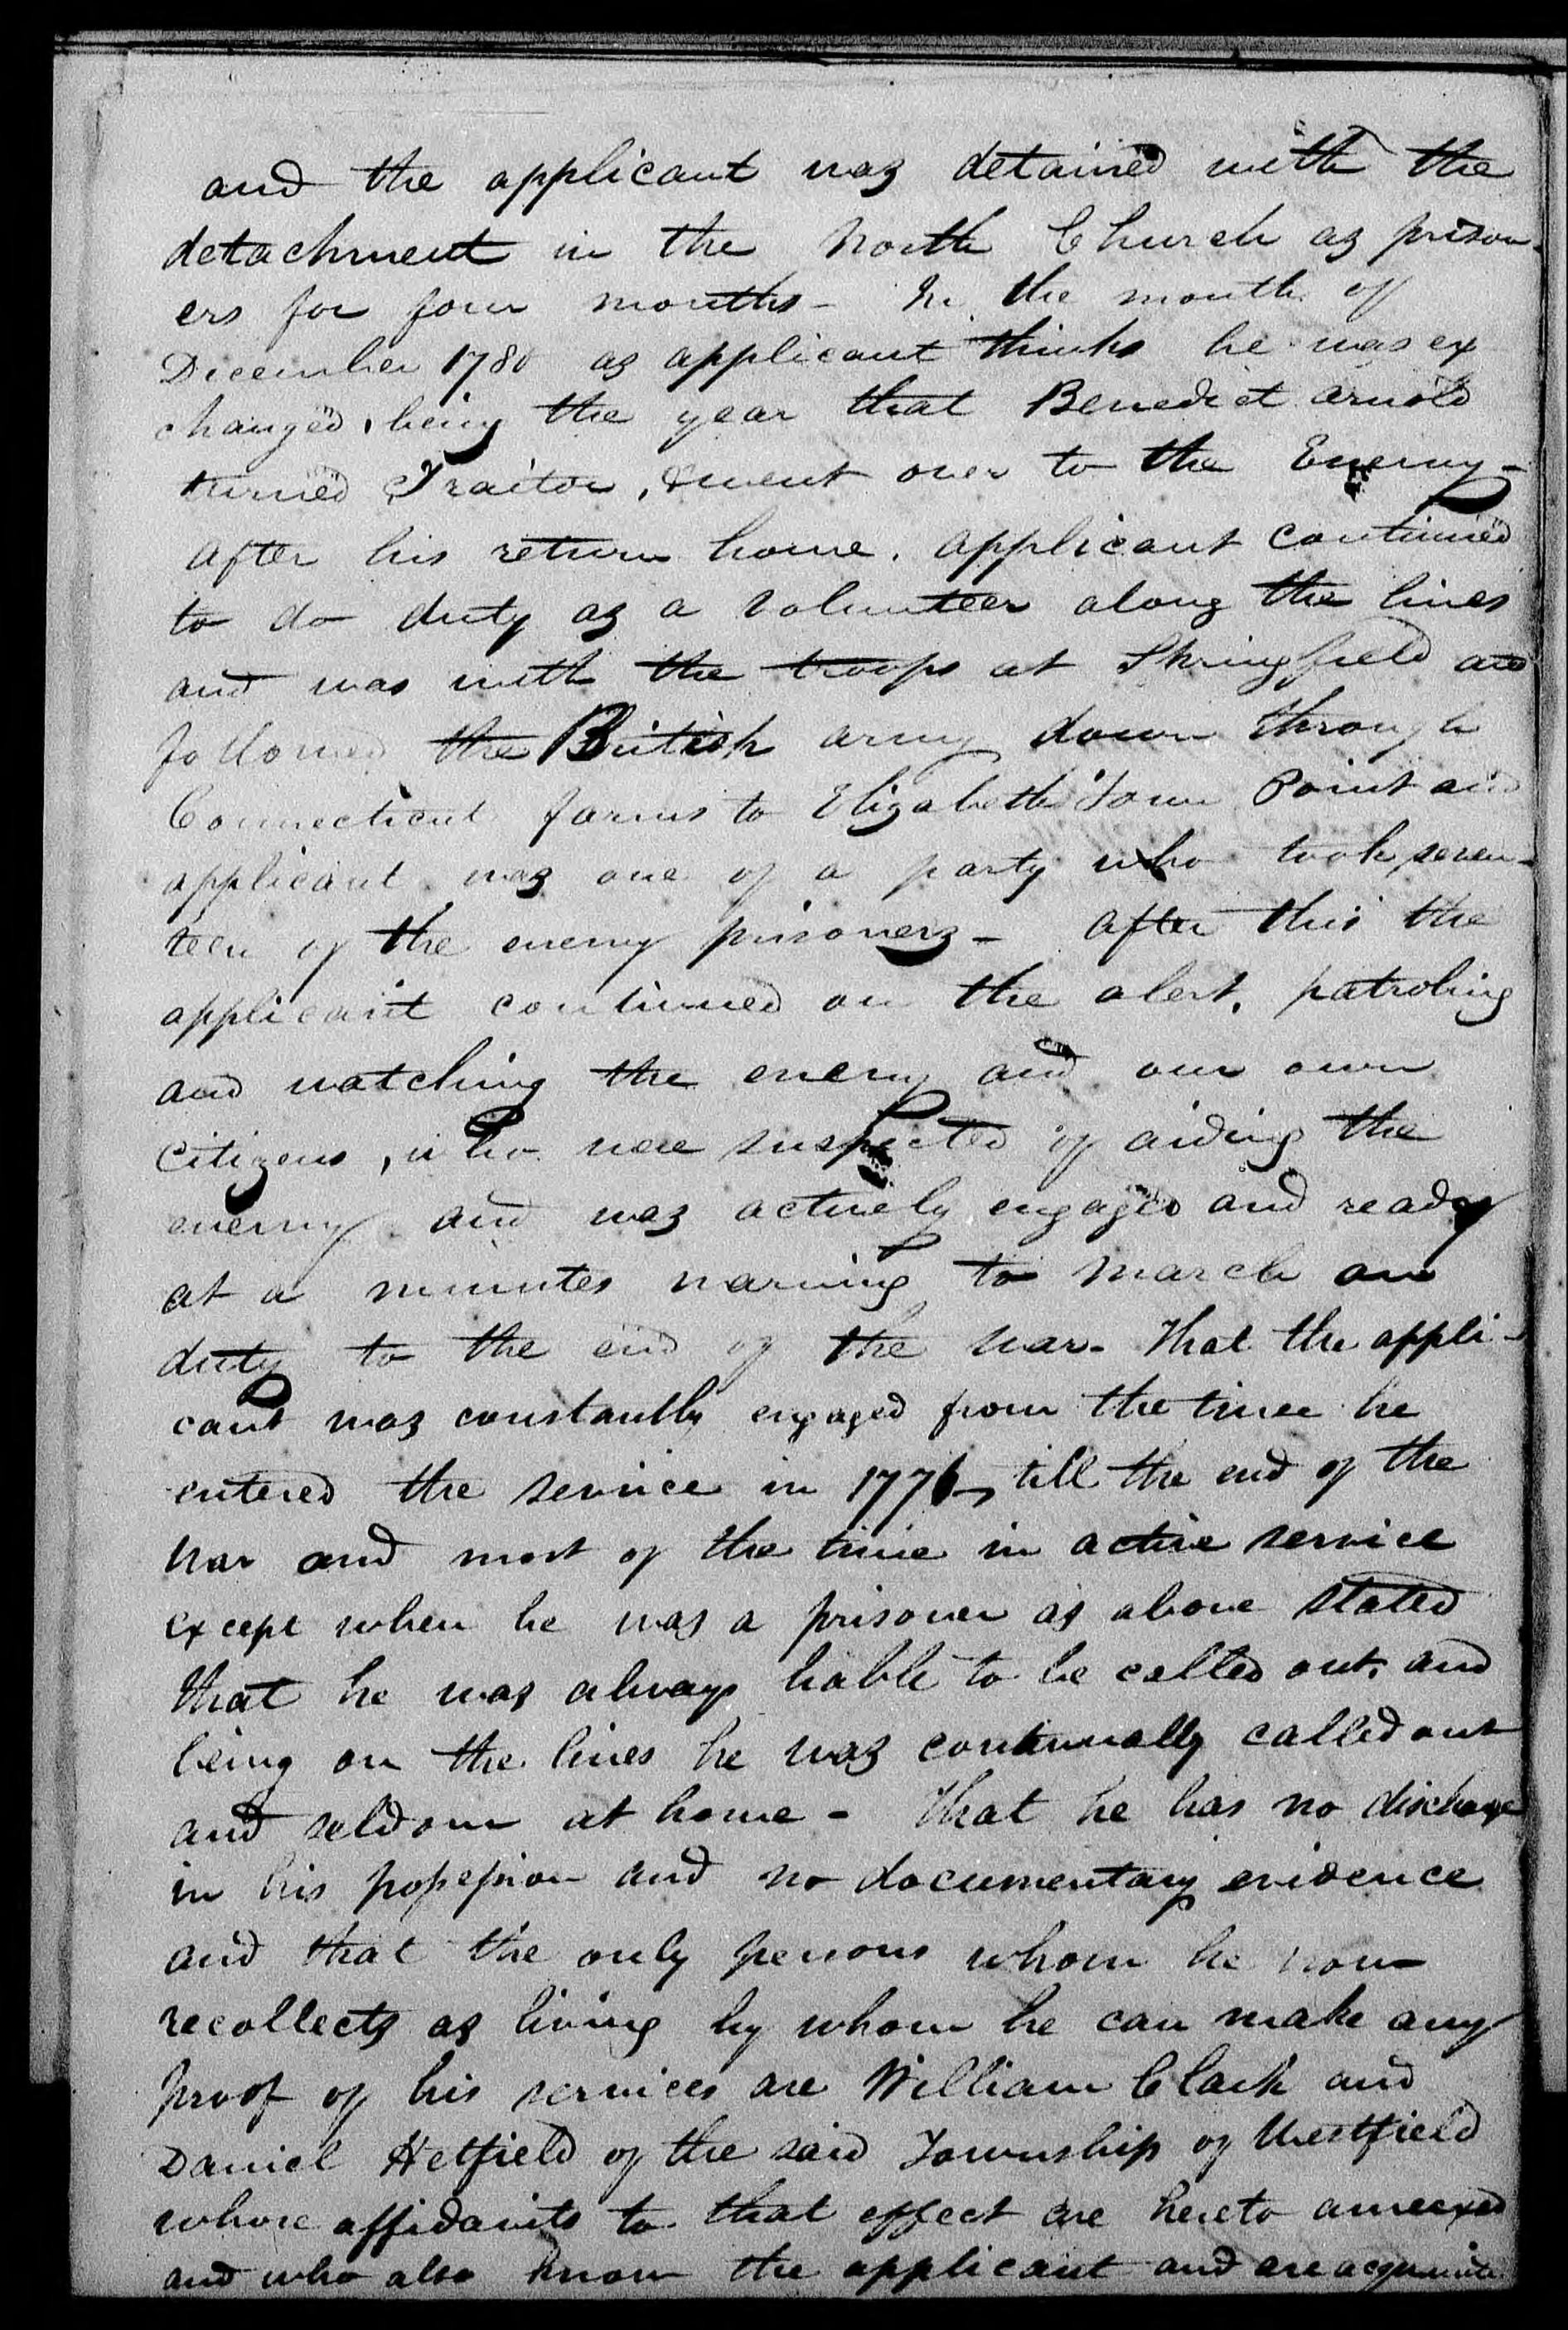and the applicant was detained with the
detachment in the North Church as prisoner for four months. In the month of December 1780 as applicant thinks he was exchanged being the year that Benedict Arnold
turned traitor, & went over to the Enemy.
After his return home, applicant continued
to do duty as a volunteer along the lines
and was with the troops at Springfield and
followed the British army down through
Connecticut farms to Elizabeth Town Point and
applicant was one of a party who took seventeen of the enemy prisoners. After
this the applicant continued on the alert, patroling and watching the enemy and our own citizens, who were suspected of aiding the
enemy and was actively engaged and ready
at a minutes warning to march and duty
to the end of the war - That the applicant was constantly engaged from the time he
entered the service in 1776 till the end of the
war and most of the time in active service
except when he was a prisoner as above stated
that he was always liable to be called out, and
being on the lines he was continually called out and seldom at home. That he has no discharge in his possession and no documentary evidence and that the only persons whom he now recollects as living by whom he can make any proof of his services are William Clark and Daniel Hatfield of the said Township of Westfield whose affidavits to that effect are hereto annexed and who also know the applicant and are acquainted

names: William Clark; Daniel Hetfield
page: 9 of 49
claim: widow's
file: W. 859, for James Lambert, New Jersey